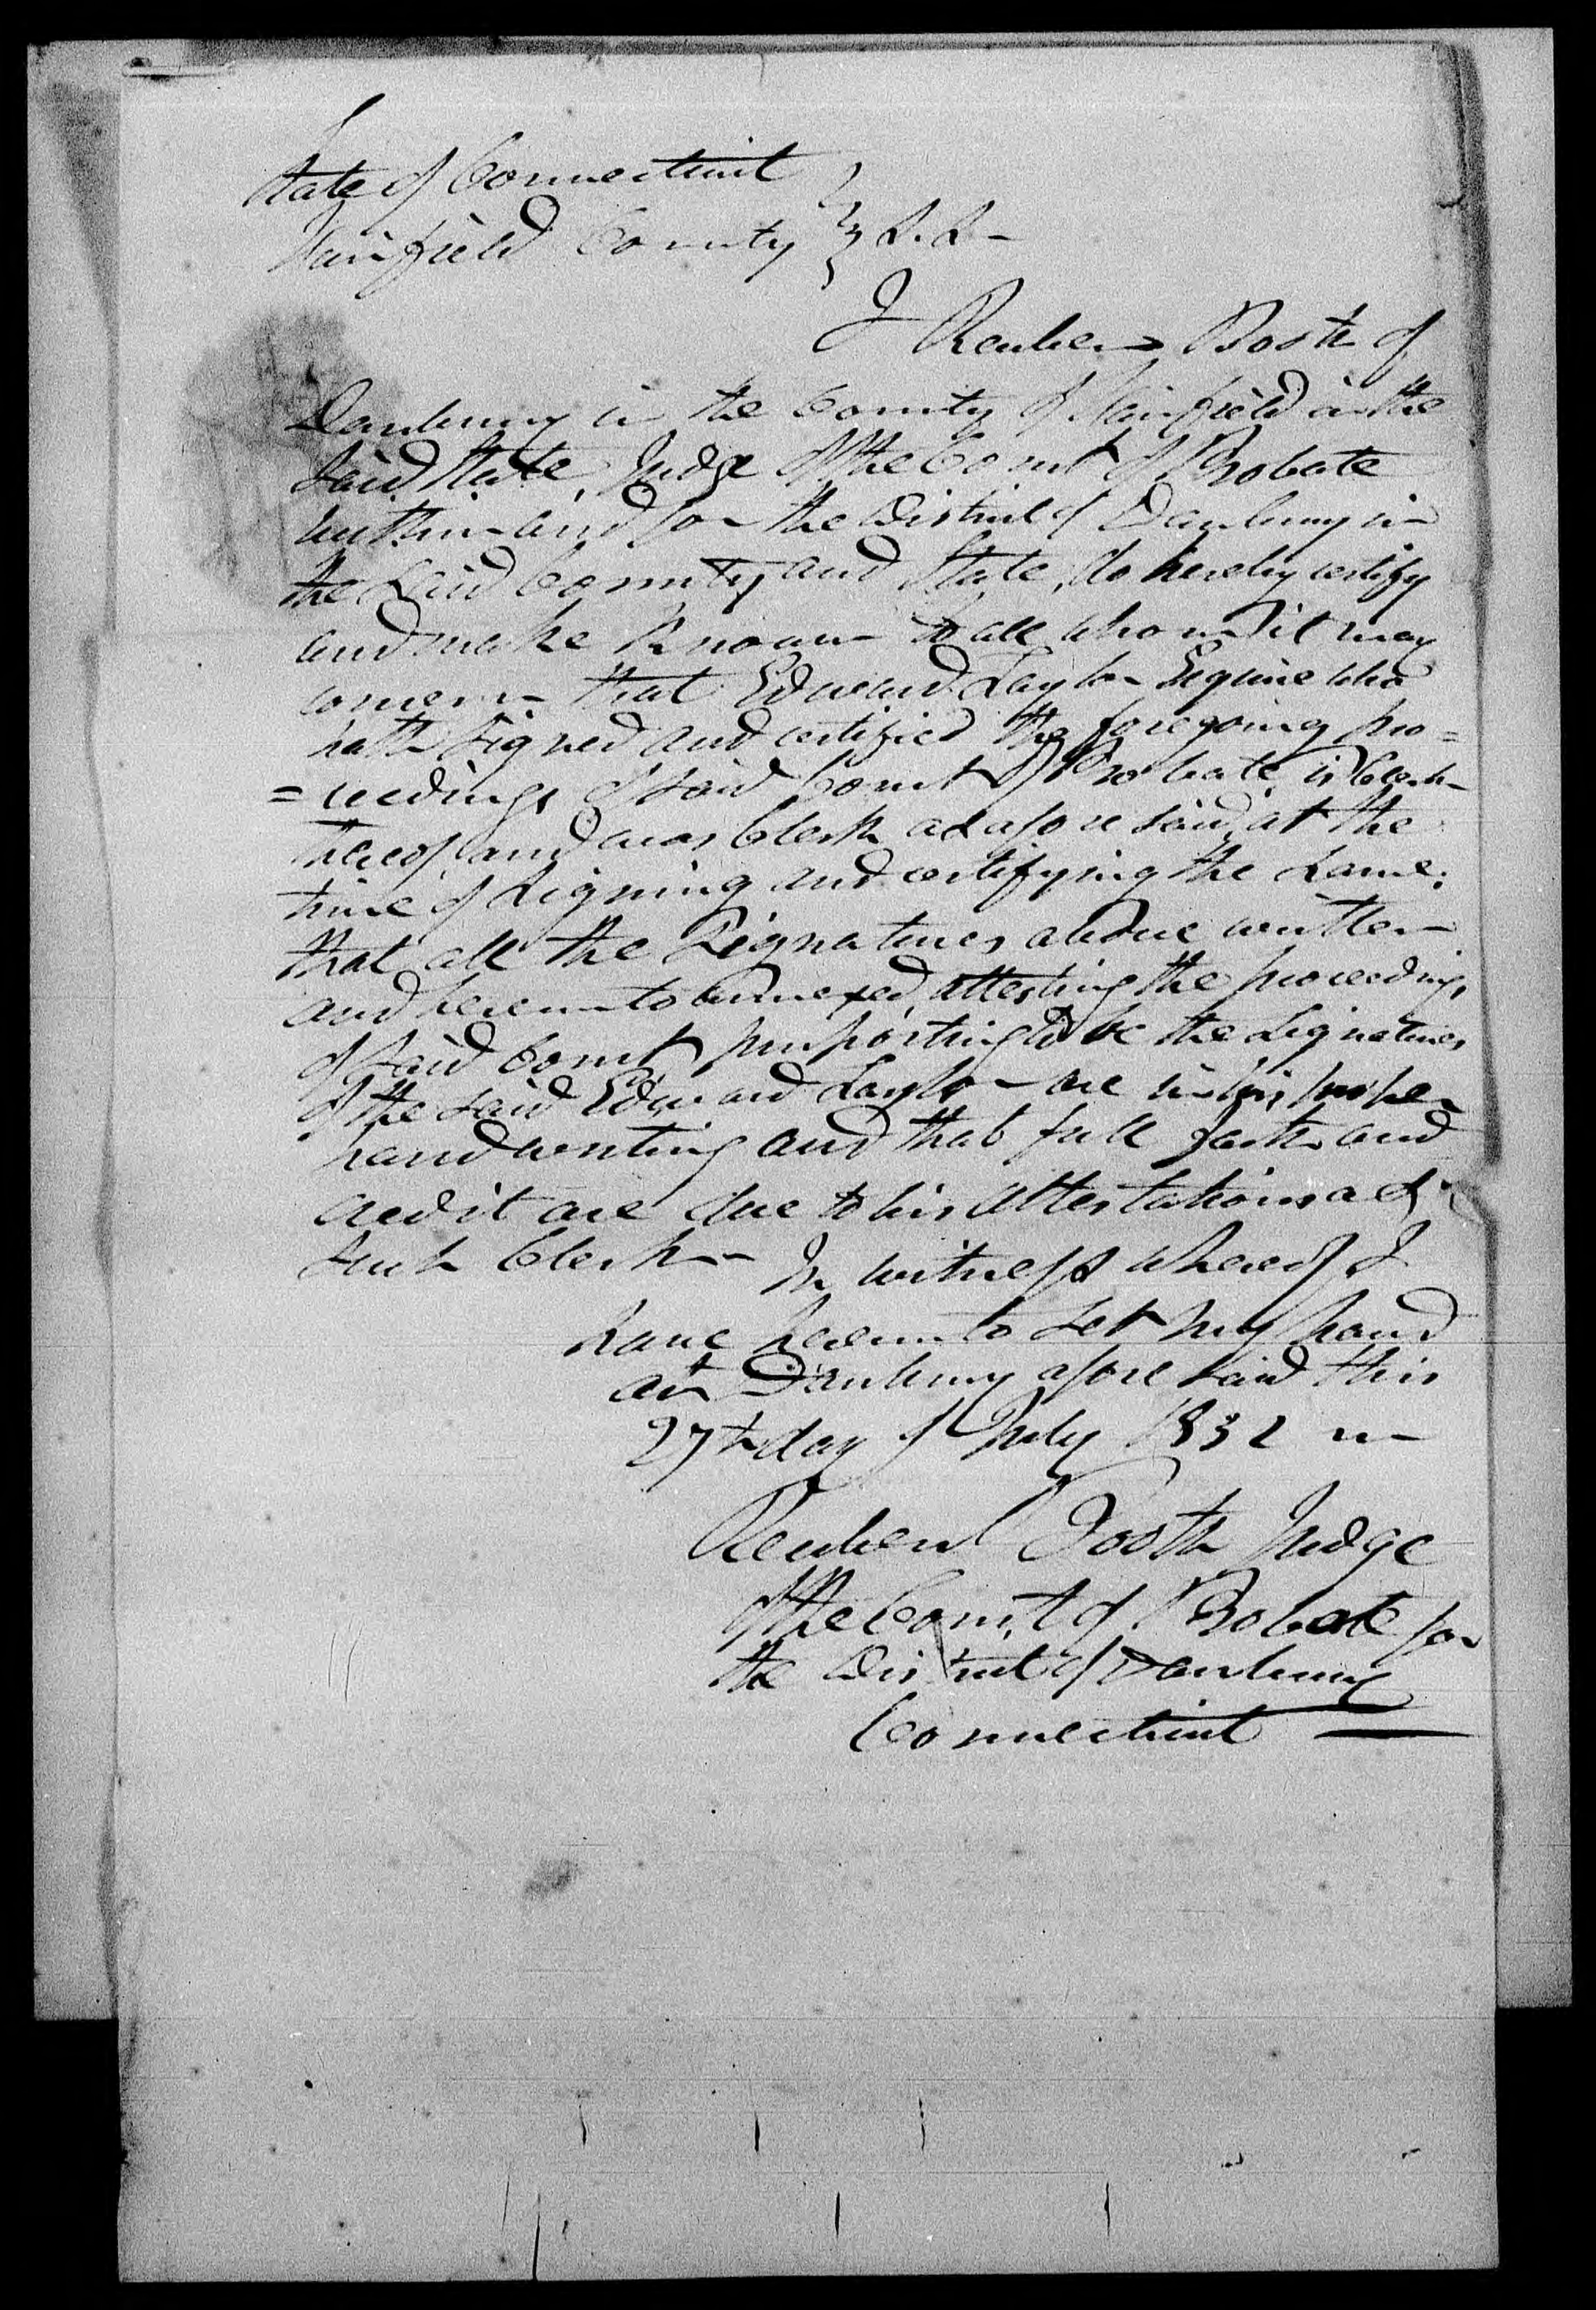State of Connecticut 
Fairfield County } SS 
1 Reuben Poste of Danbury in the County of Fairfield in the said State, Judge the Court of Probate within and for the District of Danbury in the said County and State, do hereby certify and make known all whom it may concern that Edward Taylor Esquire who the hath signed and certified the foregoing to proceedings of said Court of Probate is certified and was Clerk of  Clerk aforesaid at the  time of signing and certifying the same;  that all the signatures above written and hereunto annexed attesting the proceedings of said Court purporting to the Signature of said Edward Taylor are in his proper hand writing and that full faith and credit are due to his attestations as Such Clerk. 
In witness whereof I have hereto set his hand at Danbury aforesaid this 27th day of July 1832 
Rueben Poste Judge of the court of Probate for the District of Danbury Connecticut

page: 6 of 29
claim: survivor's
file: S. 23,312, for Samuel Mallery, Connecticut